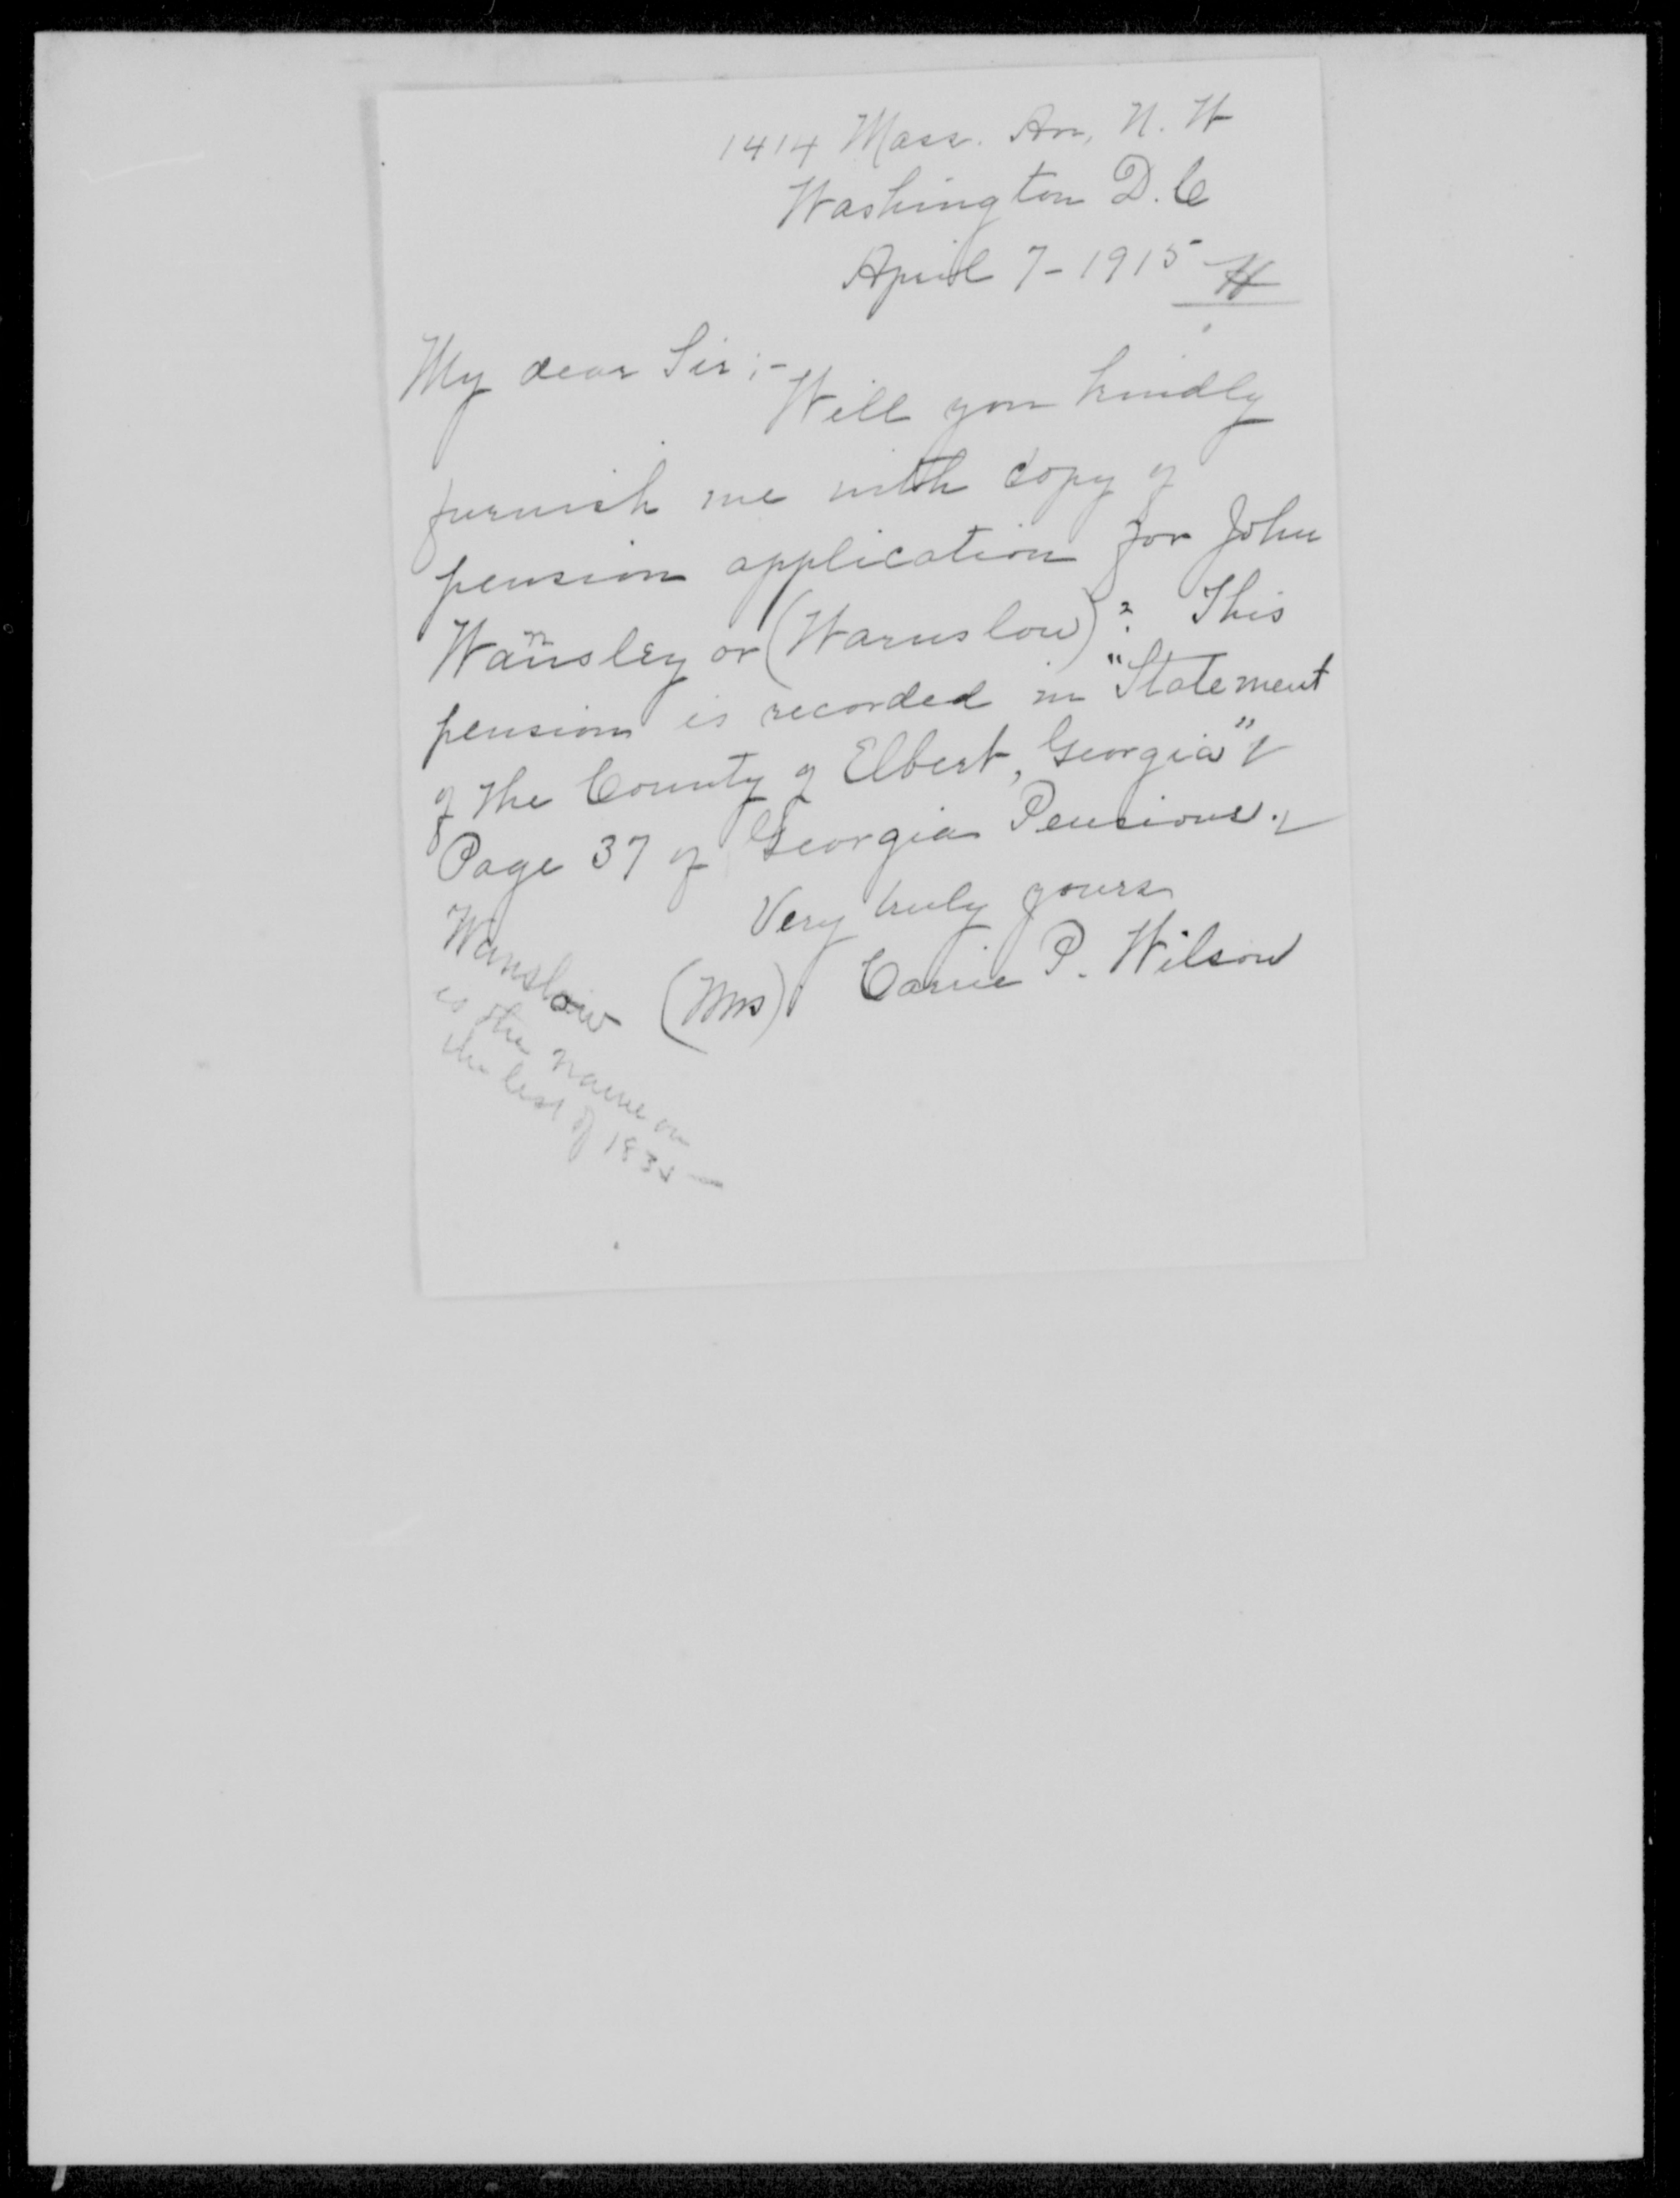[handwritten]
1414 Mass. Ave, N.W.
Washington D.C
April 7-1915 H
My dear Sir: 
Will you kindly furnish me with copy of pension application for John Warsley or (Warnslow).
This pension is recorded in Statement of the County of Elbert, Georgia” Page 37 of Georgia Pensions
Very truly yours
[signed]
(Mrs) Carrie P. Wilson


Wanslow is the name on the list of 1835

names: Wanslow, John Wansley, John Warnslow, Carrie P Wilson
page: 57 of 59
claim: widow's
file: W. 6427, Samuel Waples, Va.